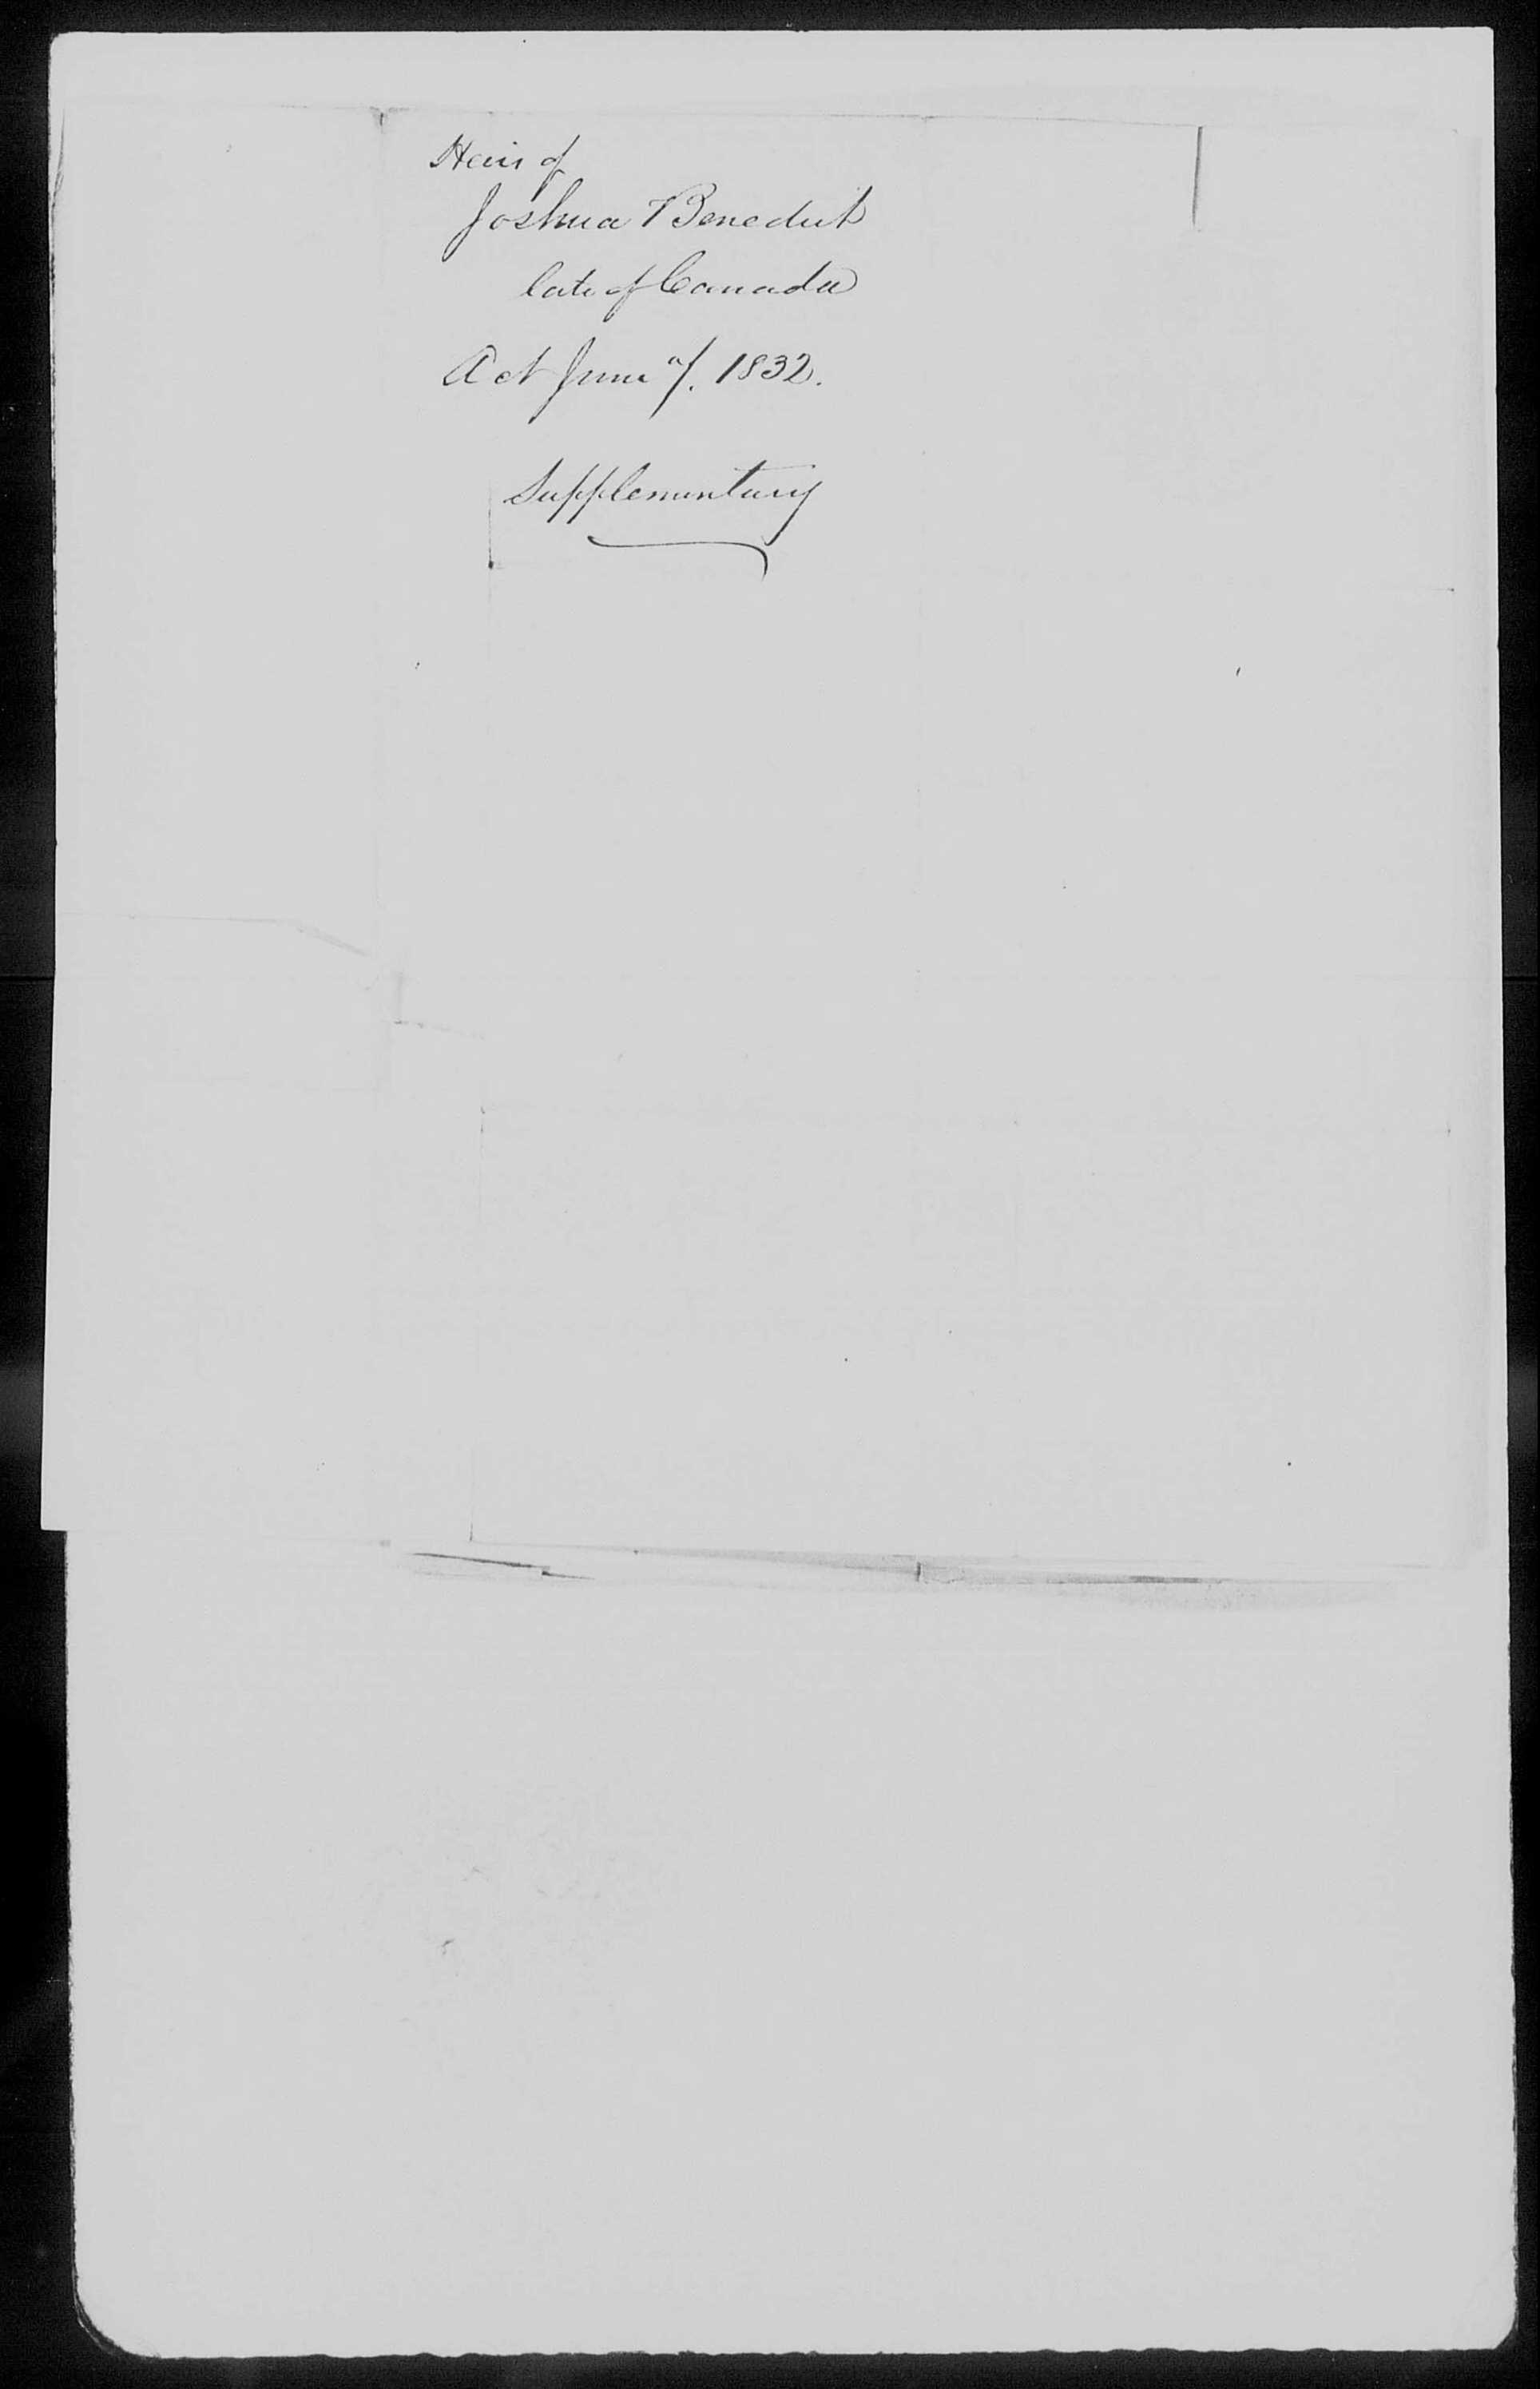Heirs of Joshua Benedict late of Canada
Act June 7. 1832.

Supplementary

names: Joshua Benedict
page: 74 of 106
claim: survivor's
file: S 23,116., Joshua Benedict, Conn.